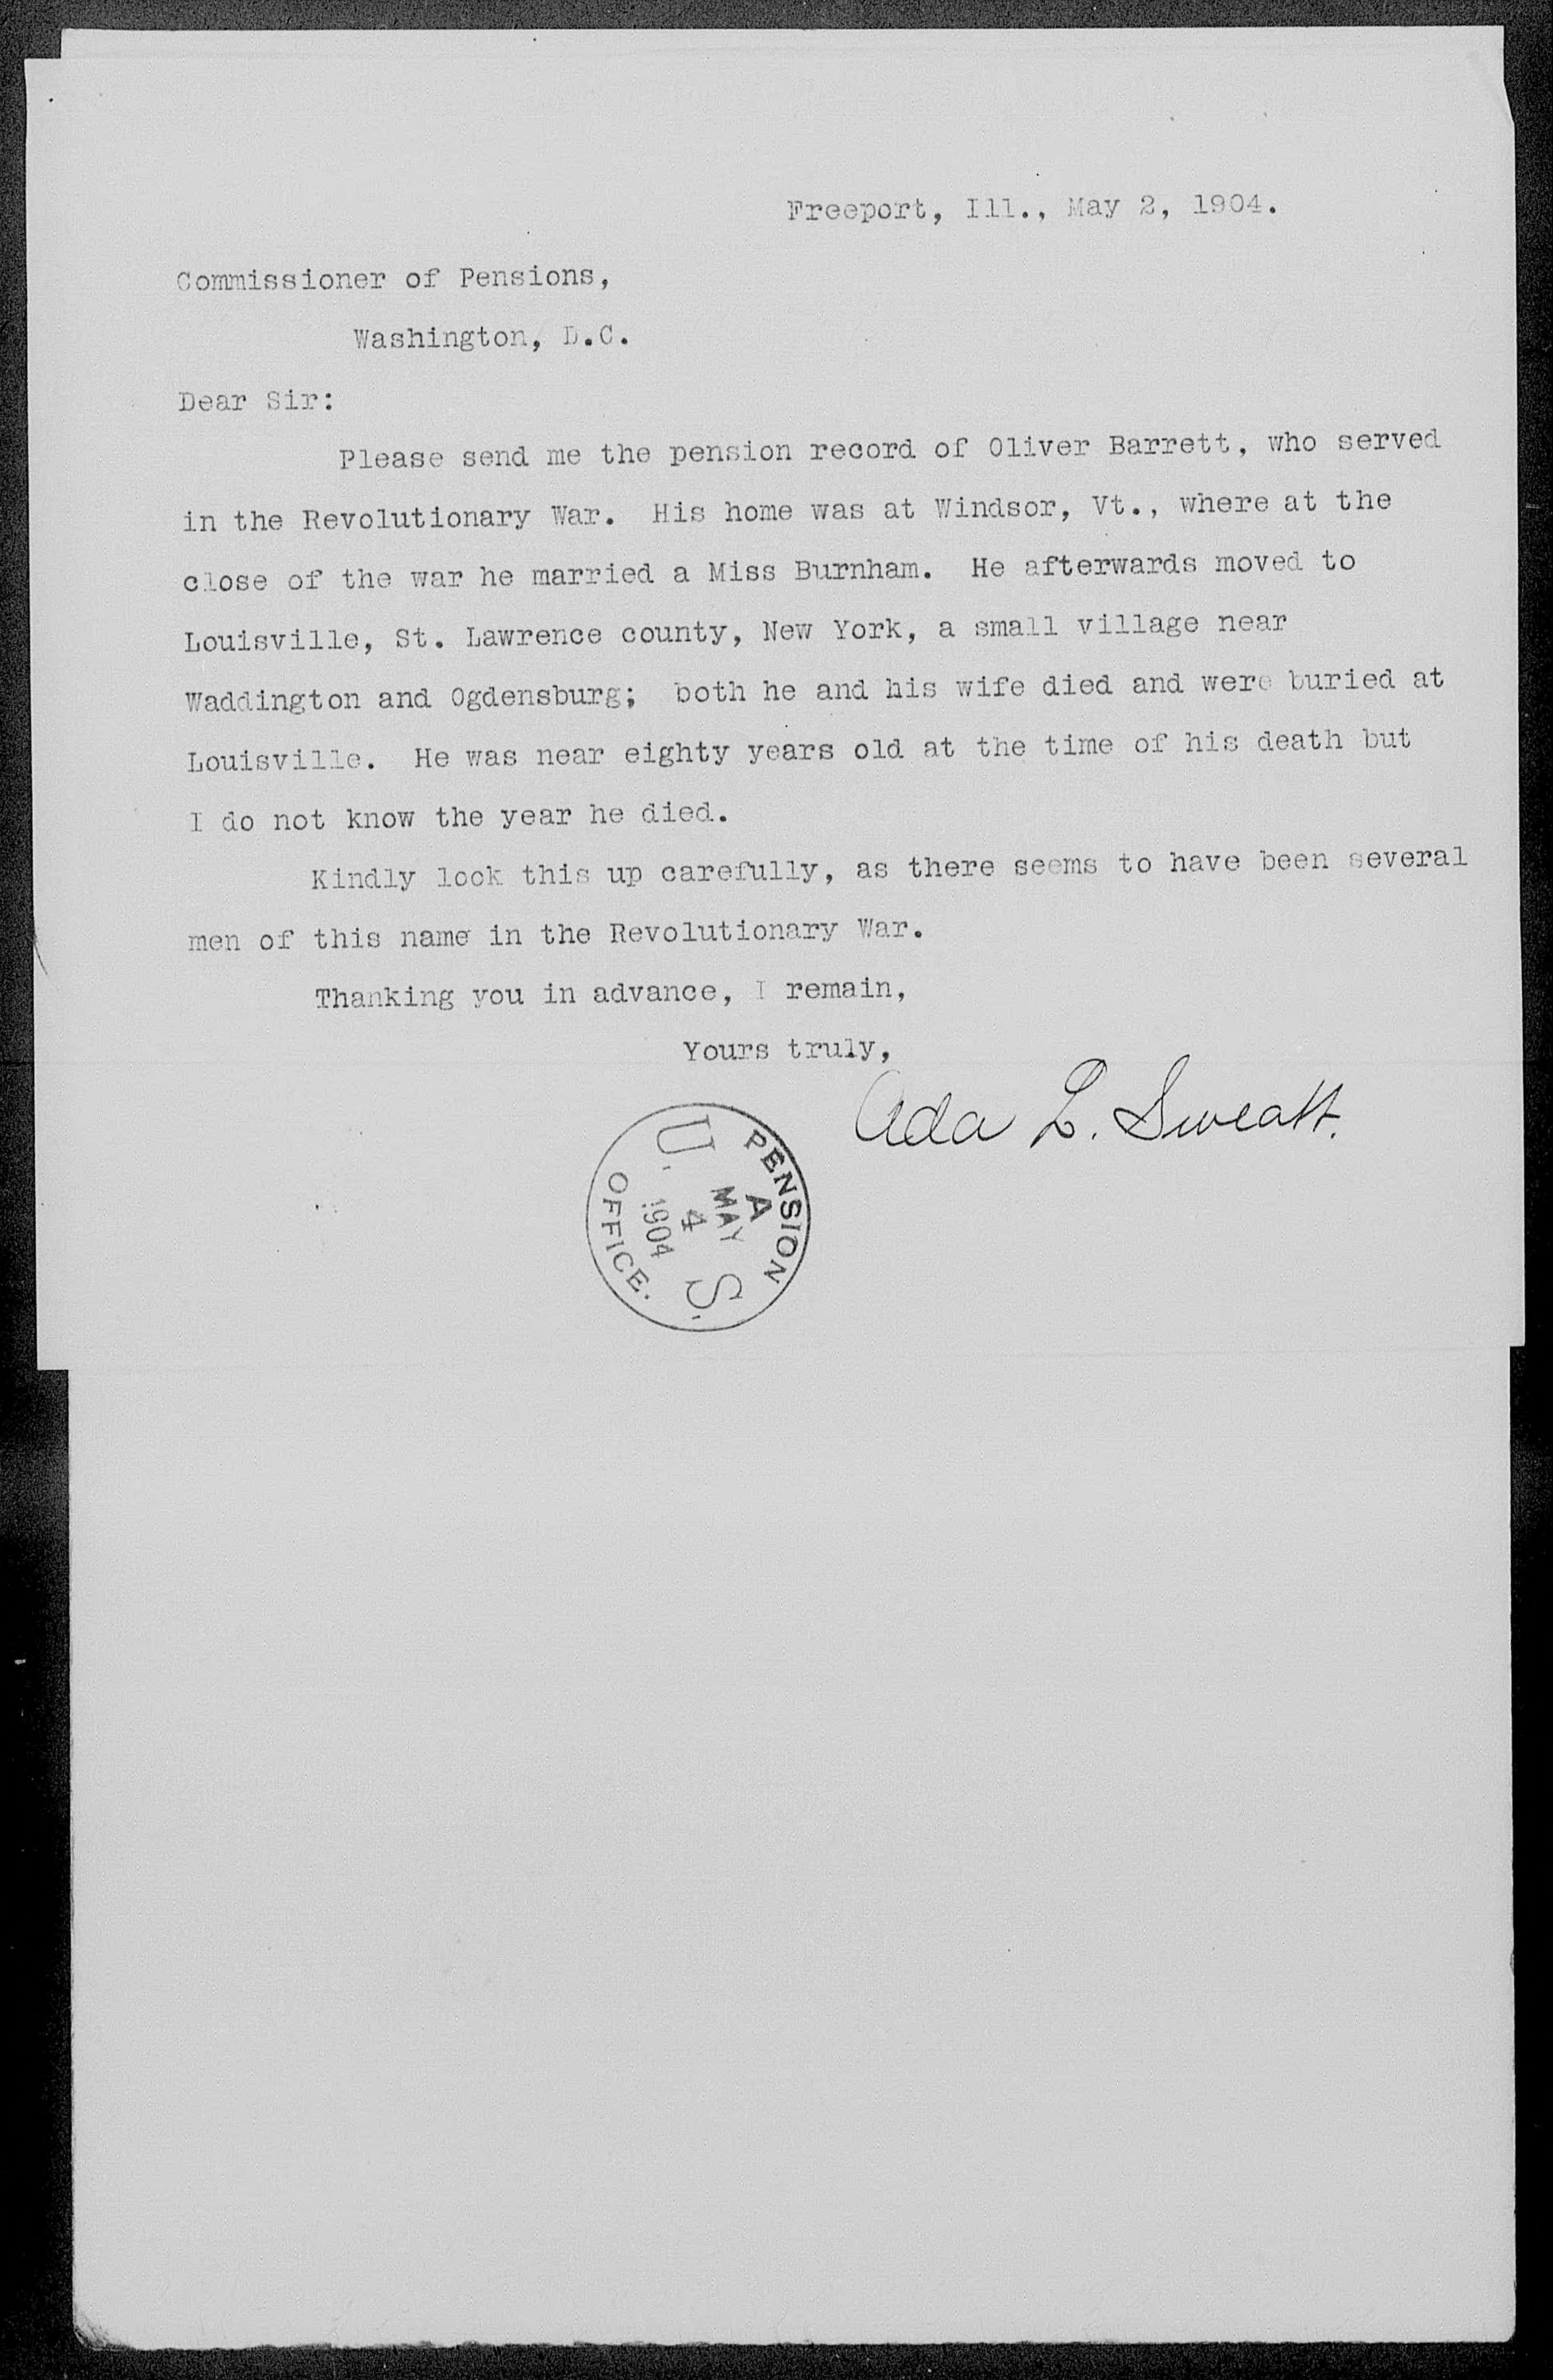Freeport, Ill., May 2, 1904

Commissioner of Pensions, 
Washington, D.C.

Dear Sir:
Please send me the pension record of Oliver Barrett, who served in the Revolutionary War. His home was at Windsor. VT., where at the close of the war he married a Miss Burnham. He afterwards moved to Louisville, St. Lawrence County, New York, a small village near Waddington and Ogdensburg; both he and his wife died and were buried at Louisville. He was near eighty years old at the time of his death but I do not know the year he died. 
Kindly look this up carefully, as there seems to have been several men of this name in the Revolutionary War. 
Thanking you in advance, I remain, 
Your truly, 
Ada L. Sweatt

Pension
A
Office
May 4 1904
US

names: Ada L Sweatt, Burnham, Oliver Barrett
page: 77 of 83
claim: widow's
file: W. 10,384, Oliver Barrett, Continental (Vt.) N.Y.